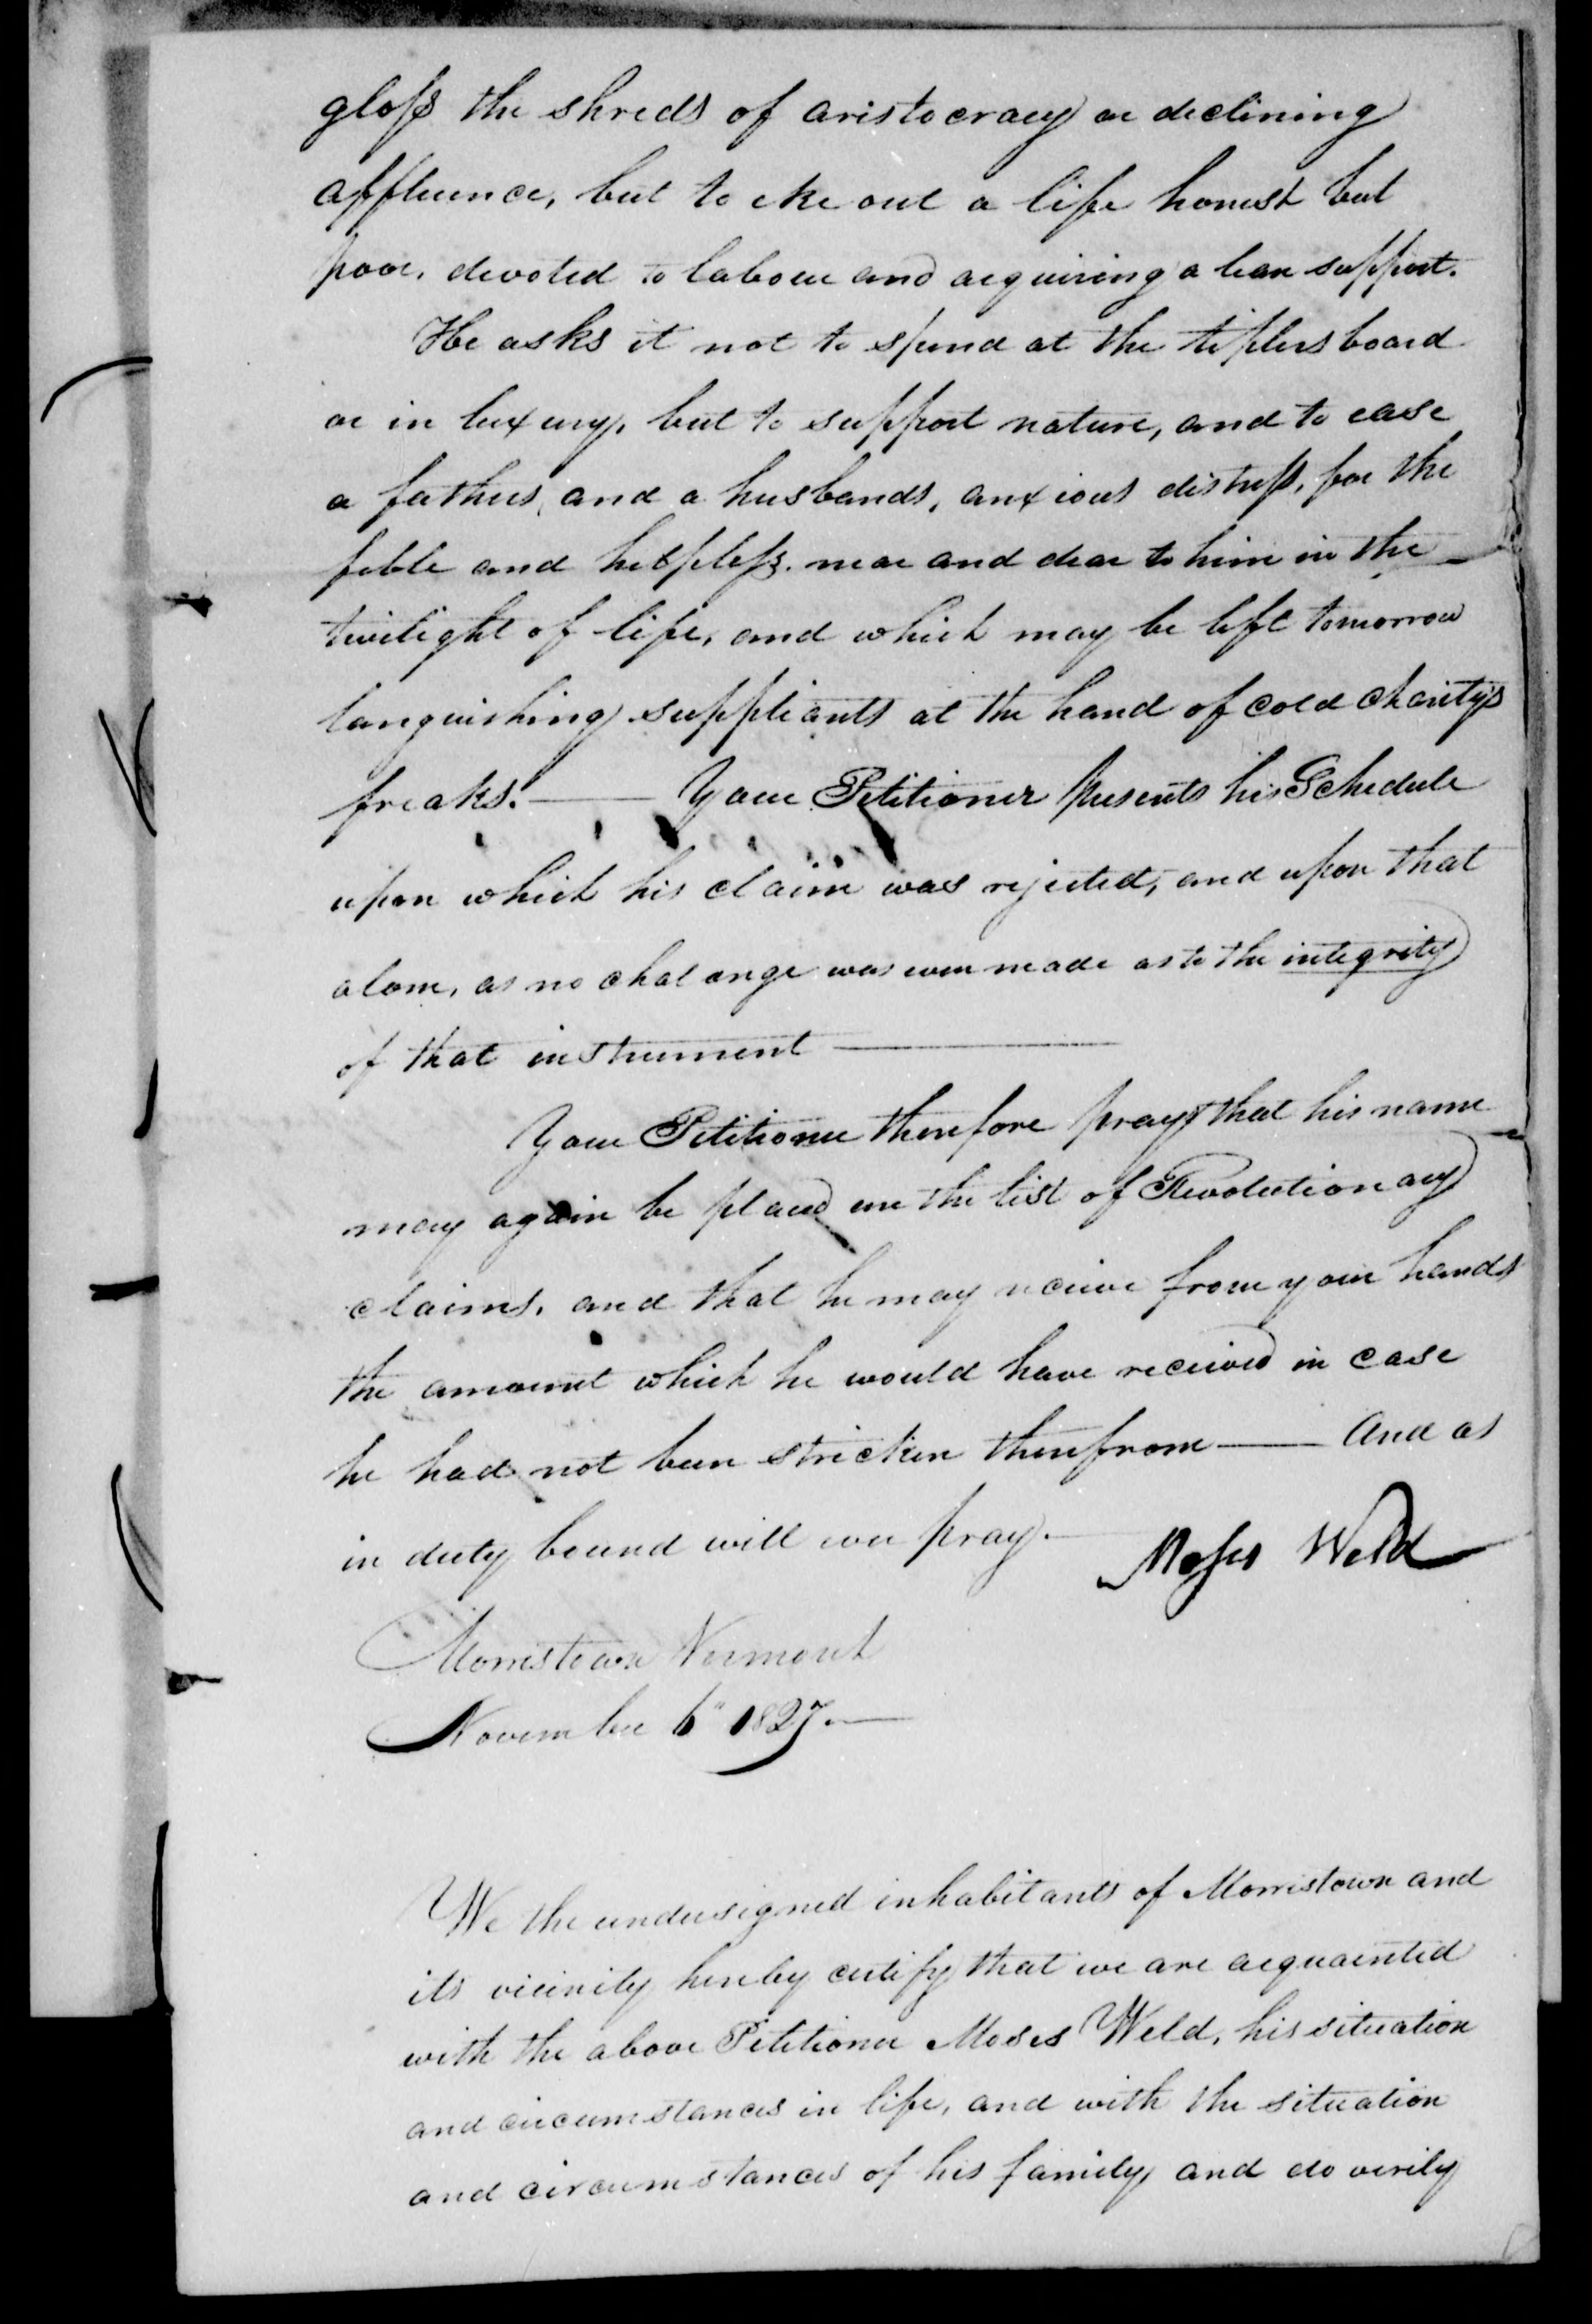gloss the shreds of Aristocracy or declining
affluence, but to eke out a life honest but
poor, devoted to labour and acquiring a lean support.
He asks it not to spend at the tiplers board
or in luxury, but to support nature, and to ease
a fathers, and a husbands, anxious distress, for the feble and helpless near and dear to him in the twilight of life, and which may be left tomorrow languishing supplicants at the hand of cold charity's freaks. -  Your Petitioner presents his Schedule upon which his claim was rejected, and upon that alone, as no chalange was ever made as to the integrity
of that instrument - 
Your Petitioner therefore pray that his name
may again be placed on the list of Revolutionary claims, and that he may receive from your hands the amount which he would have received in case
he had not been stricken therefrom - And as
in duty bound will we pray.
Moses Weld
Morristown Vermont
November [6?] 1827 -
We the undersigned inhabitants of Morristown and its vicinity hereby certify that we are acquainted with the above petitioner Moses Weld, his situation and circumstances in life, and with the situation and circumstances of his family and do verily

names: Moses Weld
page: 79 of 87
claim: widow's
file: W. 25,966, Moses Weld, Mass.